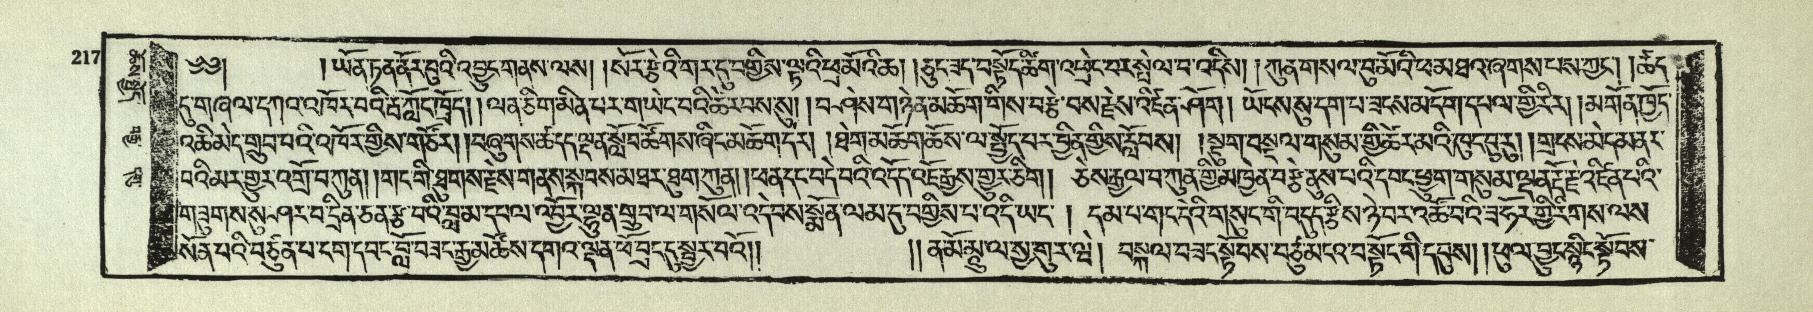༄༅། །ཡོན་ཏན་ནོར་བུའི་འབྱུང་གནས་ལས། །སོར་རྩེའི་གར་དུ་བགྱིས་ལྟའི་ཕྲ་མོའི་ཆ། །ཅུང་ཟད་བསྟོད་ཚིག་འཕྲེང་བར་སྤེལ་བ་འདིས། །ཀུན་གསལ་བུ་མོའི་ཕ་མཐའ་ཞགས་པས་ཀྱང་། །ཚད་
དུ་གཞལ་དཀའ་འཁོར་བའི་རྦ་ཀློང་ཁྲོད། །ལན་ཅིག་མིན་པར་གཡེང་བའི་ཚེ་རབས་སུ། །བཤེས་གཉེན་མཆོག་གིས་བརྩེ་བས་རྗེས་འཛིན་ཤོག །ཡོངས་སུ་དག་པ་ཟངས་མདོག་དཔལ་གྱི་རིར། །མགོན་ཁྱོད་
འཆི་མེད་གྲུབ་པའི་འཁོར་གྱིས་གཙོར། །བཞུགས་ཚ་དད་ལྡན་སློབ་ཚོགས་ཞིང་མཆོག་དེར། །ཐེག་མཆོག་ཆོས་ལ་སྤྱོད་པར་བྱིན་གྱིས་རློབས། །སྡུག་བསྔལ་གསུམ་གྱི་ཚེར་མའི་ཁུང་བུ་རུ། །གྲངས་མེད་མནར་
བའི་མར་གྱུར་འགྲོ་བ་ཀུན། །གང་གི་ཐུགས་རྗེས་གནས་སྐབས་མཐར་ཐུག་ཀུན། །ཕན་དང་བདེ་བའི་འདོད་འཇོ་རྒྱས་གྱུར་ཅིག། ཅེས་རྒྱལ་བ་ཀུན་གྱི་མཁྱེན་བརྩེ་ནུས་པའི་དབང་ཕྱུག་གསུམ་ལྡན་རྡོ་རྗེ་འཛིན་པའི་
གཟུགས་སུ་ཤར་བ་དྲིན་ཅན་རྩ་བའི་བླ་མ་དཔལ་འབྱོར་ལྷུན་གྲུབ་ལ་གསོལ་འདེབས་སྨོན་ལམ་དུ་བགྱིས་པ་འདི་ཡང་།དམ་པ་གང་དེའི་གསུང་གི་བདུད་རྩིས་ཉེ་བར་འཚོ་བའི་ཟ་ཧོར་གྱི་རིགས་ལས་
སོན་པའི་བཙུན་པ་ངག་དབང་བློ་བཟང་རྒྱ་མཚོས་དགའ་ལྡན་ཕོ་བྲང་དུ་སྦྱར་བའོ།། །།ན་མོ་མཱུ་ལ་སྱ་གུ་ར་ཝེ། བསྐལ་བཟང་སྟོབས་བཙུ་མངའ་བ་སྟོང་གི་དབུས། །ཕུལ་བྱུང་སྙིང་སྟོབས་